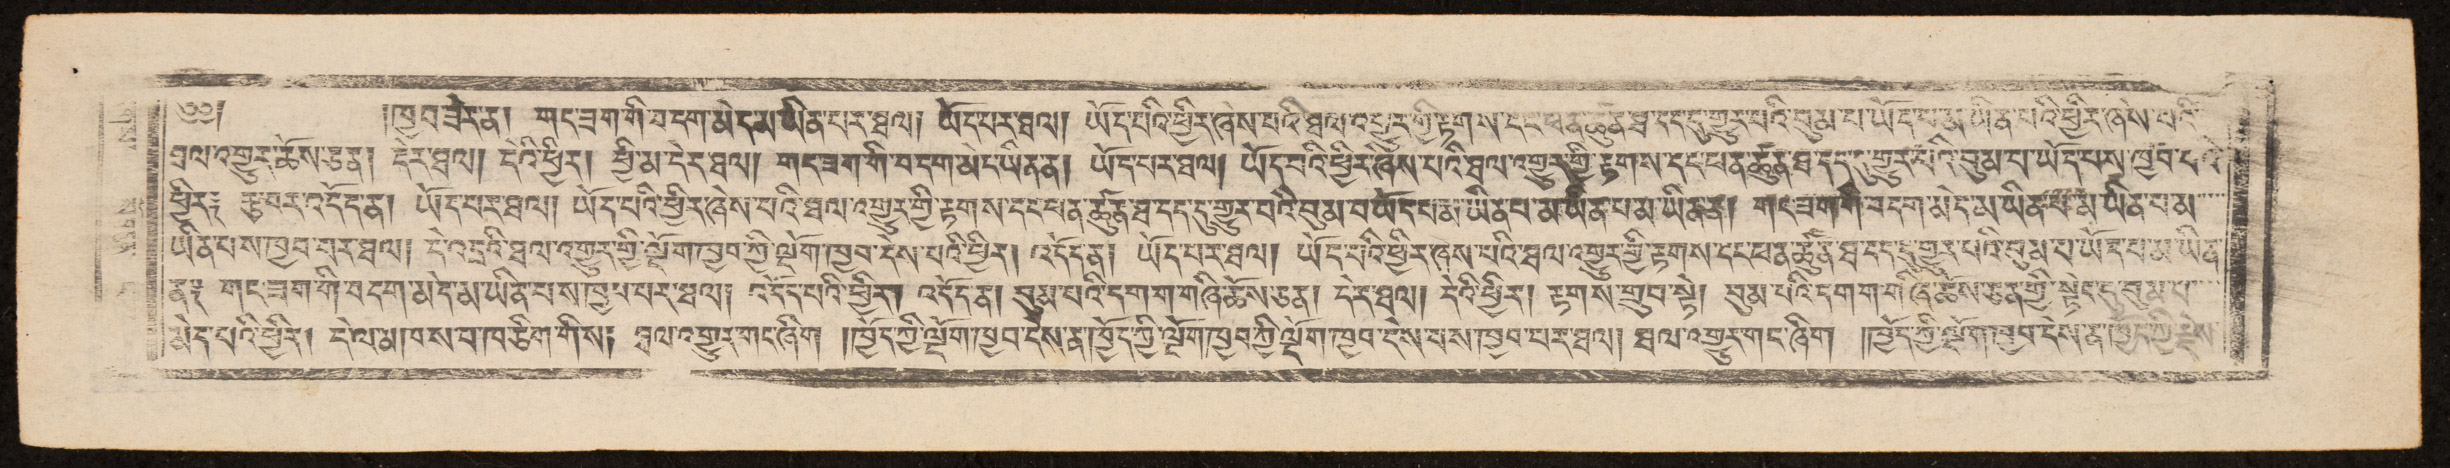༄༅། །ཁྱབ་ཟེར་ན། གང་ཟག་གི་བདག་མེད་མ་ཡིན་པར་ཐལ། ཡོད་པར་ཐལ། ཡོད་པའི་ཕྱིར་ཞེས་པའི་ཐལ་འགྱུར་གྱི་རྟགས་དང་ཕན་ཚུན་ཐ་དད་དུ་གྱུར་པའི་བུམ་པ་ཡོད་པ་མ་ཡིན་པའི་ཕྱིར་ཞེས་པའི་
ཐལ་འགྱུར་ཆོས་ཅན། དེར་ཐལ། དེའི་ཕྱིར། ཕྱི་མ་དེར་ཐལ། གང་ཟག་གི་བདག་མེད་ཡིན་ན། ཡོད་པར་ཐལ། ཡོད་པའི་ཕྱིར་ཞེས་པའི་ཐལ་འགྱུར་གྱི་རྟགས་དང་ཕན་ཚུན་ཐ་དད་དུ་གྱུར་པའི་བུམ་པ་ཡོད་པས་ཁྱབ་པའི་
ཕྱིར། རྩ་བར་འདོད་ན། ཡོད་པར་ཐལ། ཡོད་པའི་ཕྱིར་ཞེས་པའི་ཐལ་འགྱུར་གྱི་རྟགས་དང་ཕན་ཚུན་ཐ་དད་དུ་གྱུར་པའི་བུམ་པ་ཡོད་པ་མ་ཡིན་པ་མ་ཡིན་པ་མ་ཡིན་ན། གང་ཟག་གི་བདག་མེད་མ་ཡིན་པ་མ་ཡིན་པ་མ་
ཡིན་པས་ཁྱབ་པར་ཐལ། དེ་འདྲའི་ཐལ་འགྱུར་གྱི་ལྡོག་ཁྱབ་ཀྱི་ལྡོག་ཁྱབ་ངེས་པའི་ཕྱིར། འདོད་ན། ཡོད་པར་ཐལ། ཡོད་པའི་ཕྱིར་ཞེས་པའི་ཐལ་འགྱུར་གྱི་རྟགས་དང་ཕན་ཚུན་ཐ་དད་དུ་གྱུར་པའི་བུམ་པ་ཡོད་པ་མ་ཡིན་
ན། གང་ཟག་གི་བདག་མེད་མ་ཡིན་པས་ཁྱབ་པར་ཐལ། འདོད་པའི་ཕྱིར། འདོད་ན། བུམ་པའི་དགག་གཞི་ཆོས་ཅན། དེར་ཐལ། དེའི་ཕྱིར། རྟགས་གྲུབ་སྟེ། བུམ་པའི་དགག་གཞི་ཆོས་ཅན་གྱི་སྟེང་དུ་བུམ་པ་
མེད་པའི་ཕྱིར། དེ་ལ་མཁས་པ་ཁ་ཅིག་གིས། ཐལ་འགྱུར་གང་ཞིག །ཁྱོད་ཀྱི་ལྡོག་ཁྱབ་ངེས་ན་ཁྱོད་ཀྱི་ལྡོག་ཁྱབ་ཀྱི་ལྡོག་ཁྱབ་ངེས་པས་ཁྱབ་པར་ཐལ། ཐལ་འགྱུར་གང་ཞིག །ཁྱོད་ཀྱི་ལྡོག་ཁྱབ་ངེས་ན་ཁྱོད་ཀྱི་རྗེས་